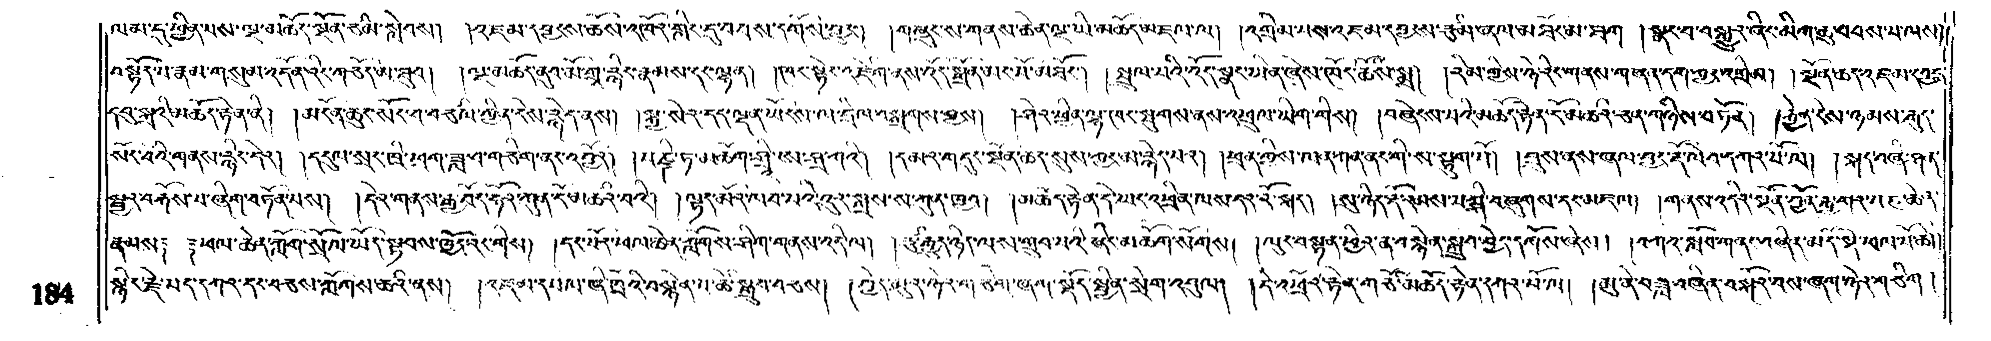ལམ་དུ་ཕྱིན་པས་ལྔ་མཆོད་སྔོན་ཙམ་སླེབས། །འཇམ་དབྱངས་ཆོས་འཁོར་གླིང་དུ་བབས་དགོས་བྱུང་། །གཞུང་ས་གནས་ཆེན་ལྔ་ཡི་མཆོད་མཇལ་ལ། །འགྲིམ་པས་འཇམ་དབྱངས་རྩམ་ཞལ་མཐོང་མ་ཐག །སྣང་བ་བསྒྱུར་ཞིང་མིག་ཆུ་བབས་པ་ལས།།
བསྟོད་པ་རྣམ་གསུམ་འདོན་རིང་གཅོད་མ་ཐུབ། །ལྔ་མཆོད་ནུབ་མོ་གྲྭ་རྙིང་རྣམས་དང་ལྷན། །ཁང་སྟེང་འཛེག་ནས་འོད་སྒྲོན་མང་བོ་མཐོང་། །སྤྲུལ་བའི་འོད་སྣང་ཡིན་ཞེས་ཁོང་ཚོས་སྨྲ། །རིམ་གྱིས་ཉེ་རིང་གནས་གཞན་དག་ཀྱང་འགྲིམ། །སྔོན་ཆད་འཇམ་དབྱངས་
དབུ་སྐྲའི་མཆོད་རྟེན་ནི། །མངོན་ཆུང་སོང་བ་བཙལ་གྱིན་ངེས་རྙེད་ནས། །སྐྱ་སེར་དད་ལྡན་ཡོངས་ལ་དྲིལ་བསྒྲགས་བྱས། །ཤེར་ཕྱིན་ལྷ་ཁང་སྤུགས་ནས་འཕྲུལ་ཡིག་གིས། །བཞེངས་པའི་མཆོད་རྟེན་ངོ་མཚར་ཅན་གཉིས་བཏོན། །རྐྱེན་ངེས་ཉམས་རྒུད་
སོང་བའི་གནས་རྙིང་དེར། །དངུལ་སྲང་ཁྲི་ཕྲག་ཟླ་བ་གཅིག་ནང་འབྱོར། །པཎྜི་ཏ་མཆོག་ཤྲཱི་ཨ་ཤྲ་ཀའི། །དམར་གདུང་སྔོན་ཆད་སུས་ཀྱང་མ་རྙེད་པར། །ཕྲན་གྱིས་ལན་ཀན་ནང་གི་ས་སྟུག་པོ། །བྲུས་ནས་ཞལ་བྱང་རྡོ་ལེབ་དཀར་བོ་ལ། །སྐད་བཞི་ཤན་
སྦྱར་བརྐོས་པ་ཞིག་བཏོན་པས། །དེར་གནས་རྒྱ་བོད་ཧོར་ཀུན་ངོ་མཚར་བའི། །ལྟད་མོར་ལབ་པའི་འུར་སྒྲས་ས་ཀུན་ཁྱབ། །མཆོད་རྟེན་དེ་ཡང་འཕྲིན་ལས་དར་རོ་སྐད། །སུ་ཉིད་རྡོ་རམས་པཀྴི་བཞུགས་དང་མཇལ། །གནས་འདིར་སྔོན་བྱོན་རྒྱ་གར་པཎ་ཆེན་
རྣམས༑ ༑ཕལ་ཆེན་ཀློག་སྲོལ་ཡོད་སྟབས་ཁྱོད་རང་གིས། །དང་བོར་ཕལ་ཆེན་ཀློགས་ཤིག་གནས་འདི་ལ། །རྩ་རྒྱུད་ཉིད་ལས་གྲུབ་པའི་ཞིང་མཆོག་སོགས། །ལུང་བསྟན་ཕྱིར་ན་བསྙེན་སྒྲུབ་བྱེད་དགོས་ཞེས། །བཀའ་སློབ་གནང་བཞིན་མདོ་སྡེ་ཕལ་པོ་ཆེ། །
སྙིང་རྗེ་པད་དཀར་དང་བཅས་ཀློགས་ཚར་ནས། །འཇམ་དཔལ་ཞི་ཁྲོའི་བསྙེན་པ་ཚེ་སྒྲུབ་བཅས། །བྱེད་མུར་ཉེར་གཅིག་ཞག་སྡོད་སྦྱིན་སྲེག་འབུལ། །དེ་འཕྲོར་རྟེན་གཙོ་མཆོད་རྟེན་དཀར་པོ་ལ། །མུ་ནེ་བཟླ་བཞིན་བསྐོར་བས་ཞག་ཉེར་གཅིག །